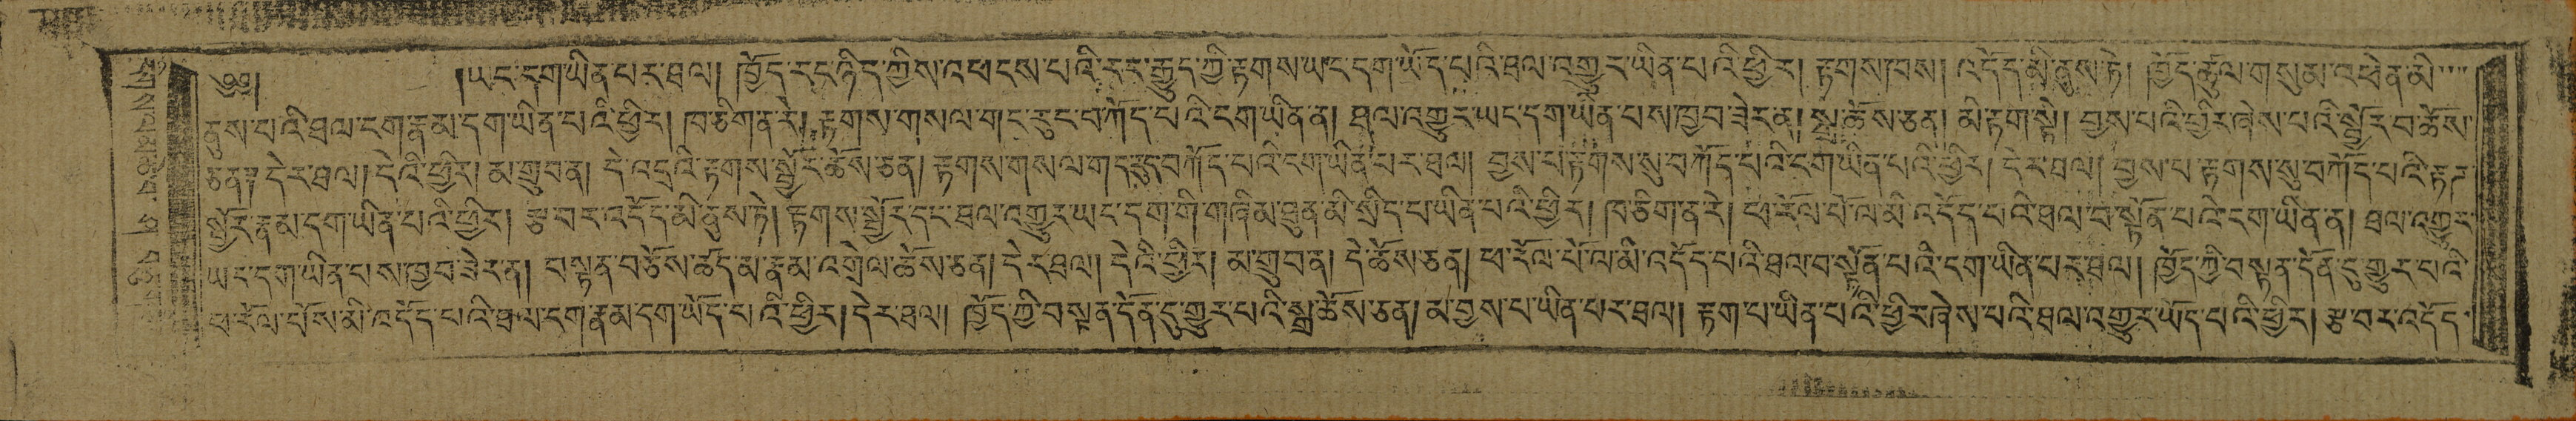༄༅། །ཡང་དག་ཡིན་པར་ཐལ། ཁྱོད་རང་ཉིད་ཀྱིས་འཕངས་པའི་རང་རྒྱུད་ཀྱི་རྟགས་ཡང་དག་ཡོད་པའི་ཐལ་འགྱུར་ཡིན་པའི་ཕྱིར། རྟགས་ཁས། འདོད་མི་ནུས་ཏེ། ཁྱོད་ཚུལ་གསུམ་འཕེན་མི་
ནུས་པའི་ཐལ་ངག་རྣམ་དག་ཡིན་པའི་ཕྱིར། ཁ་ཅིག་ན་རེ། རྟགས་གསལ་གང་རུང་བཀོད་པའི་ངག་ཡིན་ན། ཐལ་འགྱུར་ཡང་དག་ཡིན་པས་ཁྱབ་ཟེར་ན། སྒྲ་ཆོས་ཅན། མི་རྟག་སྟེ། བྱས་པའི་ཕྱིར་ཞེས་པའི་སྦྱོར་བ་ཆོས་
ཅན༑ དེར་ཐལ། དེའི་ཕྱིར། མ་གྲུབ་ན། དེ་འདྲའི་རྟགས་སྦྱོར་ཆོས་ཅན། རྟགས་གསལ་གང་རུང་བཀོད་པའི་ངག་ཡིན་པར་ཐལ། བྱས་པ་རྟགས་སུ་བཀོད་པའི་ངག་ཡིན་པའི་ཕྱིར། དེར་ཐལ། བྱས་པ་རྟགས་སུ་བཀོད་པའི་རྟགས་
སྦྱོར་རྣམ་དག་ཡིན་པའི་ཕྱིར། རྩ་བར་འདོད་མི་ནུས་ཏེ། རྟགས་སྦྱོར་དང་ཐལ་འགྱུར་ཡང་དག་གི་གཞི་མཐུན་མི་སྲིད་པ་ཡིན་པའི་ཕྱིར། ཁ་ཅིག་ན་རེ། ཕ་རོལ་པོ་ལ་མི་འདོད་པའི་ཐལ་བ་སྟོན་པའི་ངག་ཡིན་ན། ཐལ་འགྱུར་
ཡང་དག་ཡིན་པས་ཁྱབ་ཟེར་ན། བསྟན་བཅོས་ཚད་མ་རྣམ་འགྲེལ་ཆོས་ཅན། དེར་ཐལ། དེའི་ཕྱིར། མ་གྲུབ་ན། དེ་ཆོས་ཅན། ཕ་རོལ་པོ་ལ་མི་འདོད་པའི་ཐལ་བ་སྟོན་པའི་ངག་ཡིན་པར་ཐལ། ཁྱོད་ཀྱི་བསྟན་དོན་དུ་གྱུར་པའི་
ཕ་རོལ་པོས་མི་འདོད་པའི་ཐལ་ངག་རྣམ་དག་ཡོད་པའི་ཕྱིར། དེར་ཐལ། ཁྱོད་ཀྱི་བསྟན་དོན་དུ་གྱུར་པའི་སྒྲ་ཆོས་ཅན། མ་བྱས་པ་ཡིན་པར་ཐལ། རྟག་པ་ཡིན་པའི་ཕྱིར་ཞེས་པའི་ཐལ་འགྱུར་ཡོད་པའི་ཕྱིར། རྩ་བར་འདོད་